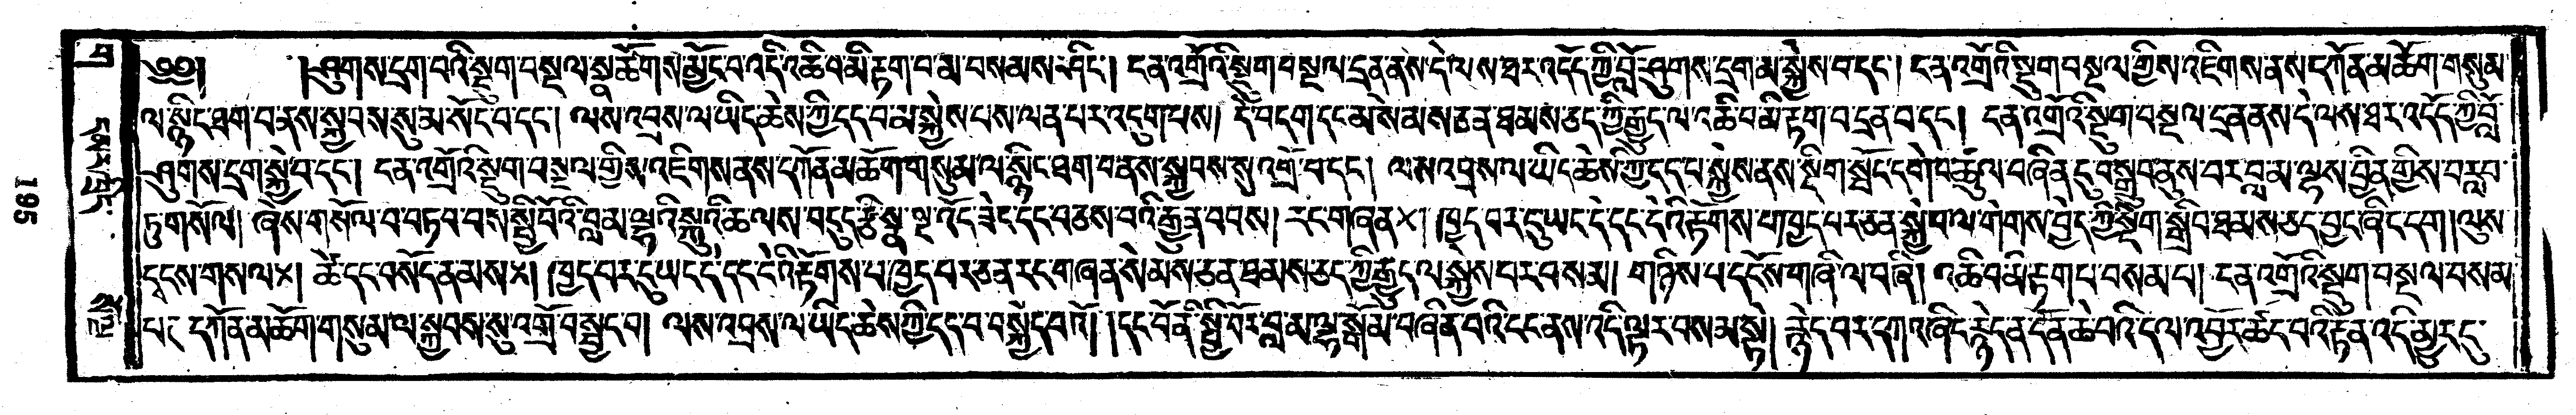༄༅། །ཤུགས་དྲག་པའི་སྡུག་བསྔལ་སྣ་ཚོགས་མྱོང་བ་འདི་འཆི་བ་མི་རྟག་བ་མ་བསམས་ཤིང་། ངན་འགྲོའི་སྡུག་བསྔལ་དྲན་ནས་དེ་ལས་ཐར་འདོད་ཀྱི་བློ་ཤུགས་དྲག་མ་སྐྱེས་བ་དང་ངན་འགྲོའི་སྡུག་བསྔལ་གྱིས་འཇིགས་ནས་དཀོན་མཆོག་གསུམ་
ལ་སྙིང་ཐག་བ་ནས་སྐྱབས་སུ་མ་སོང་བ་དང་། ལས་འབྲས་ལ་ཡིད་ཆེས་ཀྱི་དད་བ་མ་སྐྱེས་པས་ལན་པར་འདུག་པས། དེ་བདག་དང་མ་སེམས་ཅན་ཐམས་ཅད་ཀྱི་རྒྱུད་ལ་འཆི་བ་མི་རྟག་བ་དྲན་བ་དང་། ངན་འགྲོའི་སྡུག་བསྔལ་དྲན་ནས་དེ་ལས་ཐར་འདོད་ཀྱི་བློ་
ཤུགས་དྲག་སྐྱེ་བ་དང་། ངན་འགྲོའི་སྡུག་བསྔལ་གྱིས་འཇིགས་ནས་དཀོན་མཆོག་གསུམ་ལ་སྙིང་ཐག་བ་ནས་སྐྱབས་སུ་འགྲོ་བ་དང་། ལས་འབྲས་ལ་ཡིད་ཆེས་ཀྱི་དད་པ་སྐྱེས་ནས་སྡིག་སྤོང་དགེ་བ་ཚུལ་བཞིན་དུ་བསྒྲུབ་ནུས་བར་བླ་མ་ལྷས་བྱིན་གྱིས་བརླབ་
ཏུ་གསོལ། ཞེས་གསོལ་བ་བཏབ་བས་སྦྱི་བོའི་བླ་མ་ལྷའི་སྐུའི་ཆ་ལས་བདུད་རྩི་སྣ་ལྔ་འོད་ཟེར་དང་བཅས་བའི་རྒྱུན་བབས། རང་གཞན་྾། ཁྱད་པར་དུ་ཡང་དེ་དང་དེའི་རྟོགས་པ་ཁྱད་པར་ཅན་སྐྱེ་བ་ལ་གེགས་བྱེད་ཀྱི་སྡིག་སྒྲིབ་ཐམས་ཅད་བྱང་ཞིང་དག །ལུས་
དྭངས་གསལ་྾། ཚེ་དང་བསོད་ནམས་྾། ཁྱད་པར་དུ་ཡང་དེ་དང་ངེའི་རྟོགས་པ་ཁྱད་པར་ཅན་རང་ཞན་སེམས་ཅན་ཐམས་ཅད་ཀྱི་རྒྱུད་ལ་སྐྱེས་པར་བསམ། གཉིས་པ་དངོས་གཞི་ལ་བཞི། འཆི་བ་མི་རྟག་པ་བསམ་པ། ངན་འགྲོའི་སྡུག་བསྔལ་བསམ་
པ༑ དཀོན་མཆོག་གསུམ་ལ་སྐྱབས་སུ་འགྲོ་བ་སྦྱང་བ། ལས་འབྲས་ལ་ཡིད་ཆེས་ཀྱི་དད་བ་བསྐྱེད་བའོ། །དང་བོ་ནི་སྦྱི་བོར་བླ་མ་ལྷ་སྒོམ་བཞིན་བའི་ངང་ནས་འདི་ལྟར་བསམ་སྟེ། རྙེད་བར་དཀའ་ཞིང་རྙེད་ན་དོན་ཆེའི་དལ་འབྱོར་ཚད་བའི་རྟན་འདི་མྱུར་དུ་